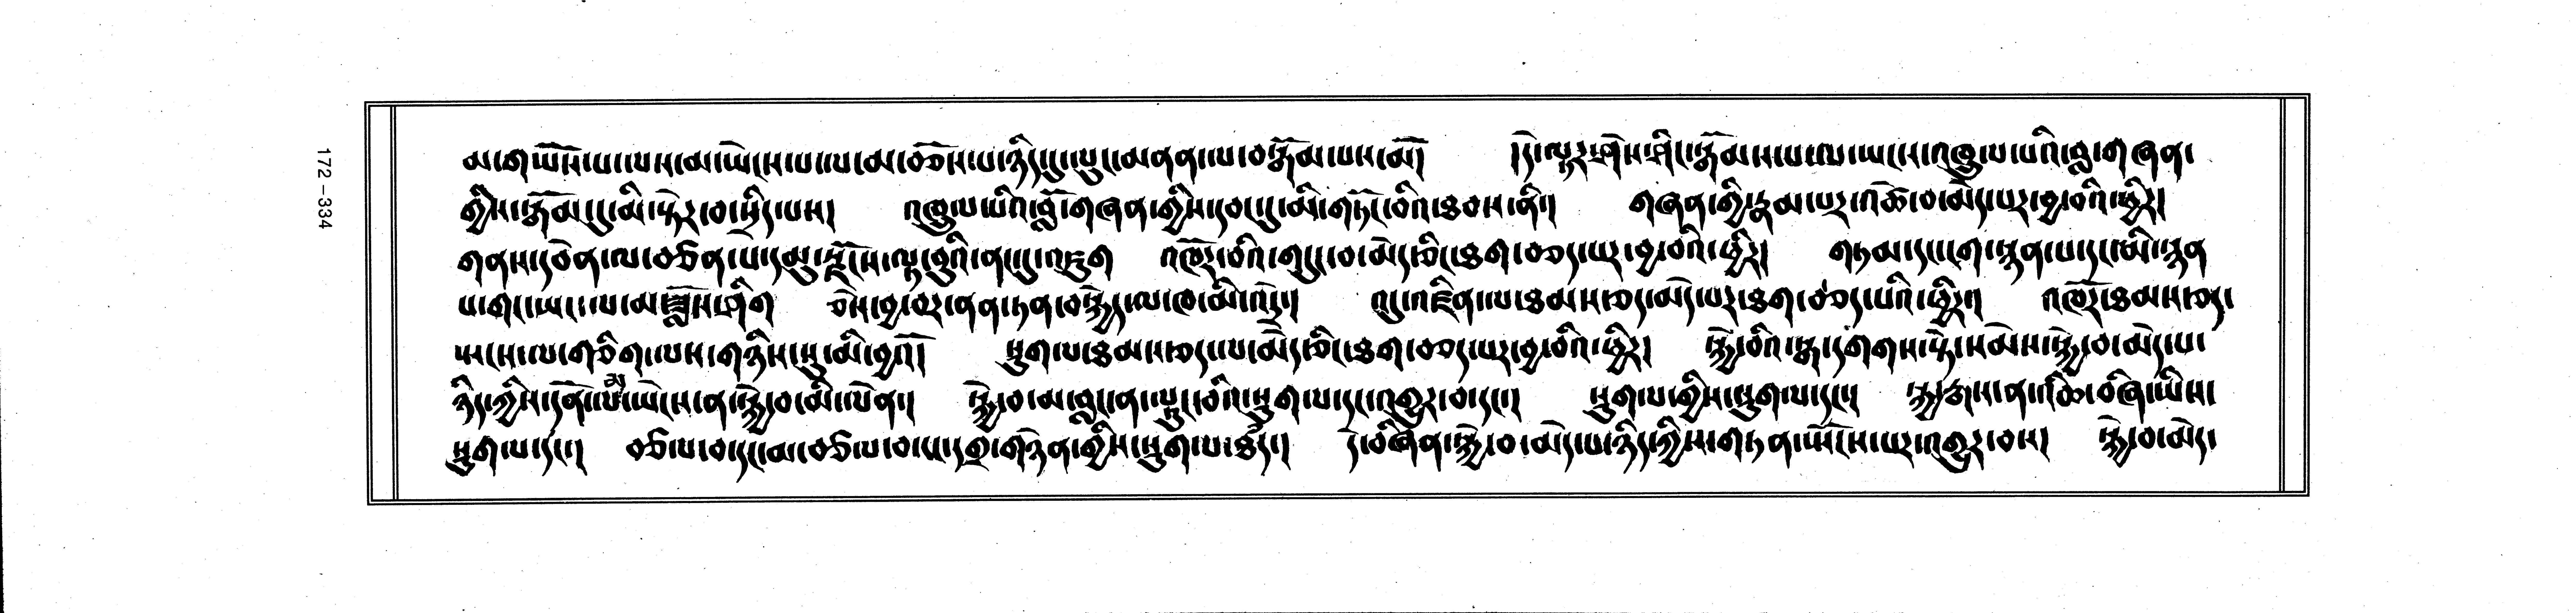མ་གཡོས་པ་ལས་མ་གཡེངས་པ་ལ་མ་བཅོས་པ་ཉིད་དུ་ལུང་མནན་ལ་བསྒོམ་མོ། དེ་ལྟར་ཤེས་ཤིང་སྒོམས་པ་ལ་ཡང་འཁྲུལ་པའི་བློ་གཞན་
གྱིས་སྒོམ་དུ་མི་སྟེར་བ་སྲིད་པས། འཁྲུལ་པའི་བློ་གཞན་གྱིས་དབང་དུ་མི་གཏོང་བའི་ཐབས་ནི། གཞན་གྱི་རྣམ་པར་འཚེ་བ་མེད་པར་བྱ་བའི་ཕྱིར། 
གནས་དབེན་ལ་བཙན་པ་དམུ་རྫོགས་ལྟ་བུའི་ནང་དུ་འཇུག འཁོར་བའི་གདུང་བ་མེད་ཅིང་ཐག་བཅད་པར་བྱ་བའི་ཕྱིར། གཏམ་དང་ངག་སྙན་པ་དང་མི་སྙན་
པ་གང་ཡང་ལ་མ་ཟློས་ཤིག ཅེས་བྱ་བར་ནན་ཏན་བསྐྱེད་ལ་ཁ་མི་འདྲེ། འདུ་འཛིན་ལ་ཐམས་ཅད་མེད་པར་ཐག་བཅད་པའི་ཕྱིར། འཁོར་ཐམས་ཅད་
སྤངས་ལ་གཅིག་ལས་གཉིས་སུ་མི་བྱའོ། སྡུལ་བསྔལ་ཐམས་ཅད་ལ་མེད་ཅིང་ཐག་བཅད་པར་བྱ་བའི་ཕྱིར། སྐྱེ་བའི་སྒོ་དགག་སྟེ་སེམས་སྐྱེ་བ་མེད་པ་
ཉིད་ཀྱིས་དོན་ལ་མ་གཡེངས་ན་སྐྱེ་བ་མི་ལེན། སྐྱེ་བ་མ་བླང་ན་ལྟུང་བའི་སྡུག་བསྔལ་དང་འགྱུར་བ་དང་། སྡུག་བསྔལ་གྱིས་སྡུག་བསྔལ་དང་། སྐྱེ་རྒས་ན་འཆི་བཞི་ཡིས་
སྡུག་བསྔལ་དང་། བཙལ་བ་དང་མ་བཙལ་བ་དང་དགྲ་གཉེན་གྱིས་སྡུག་བསྔལ་ཐམས་ཅད། དེ་བཞིན་སྐྱེ་བ་མེད་པ་ཉིད་ཀྱིས་གཏན་སྤོངས་པར་འགྱུར་བས། སྐྱེ་བ་མེད་